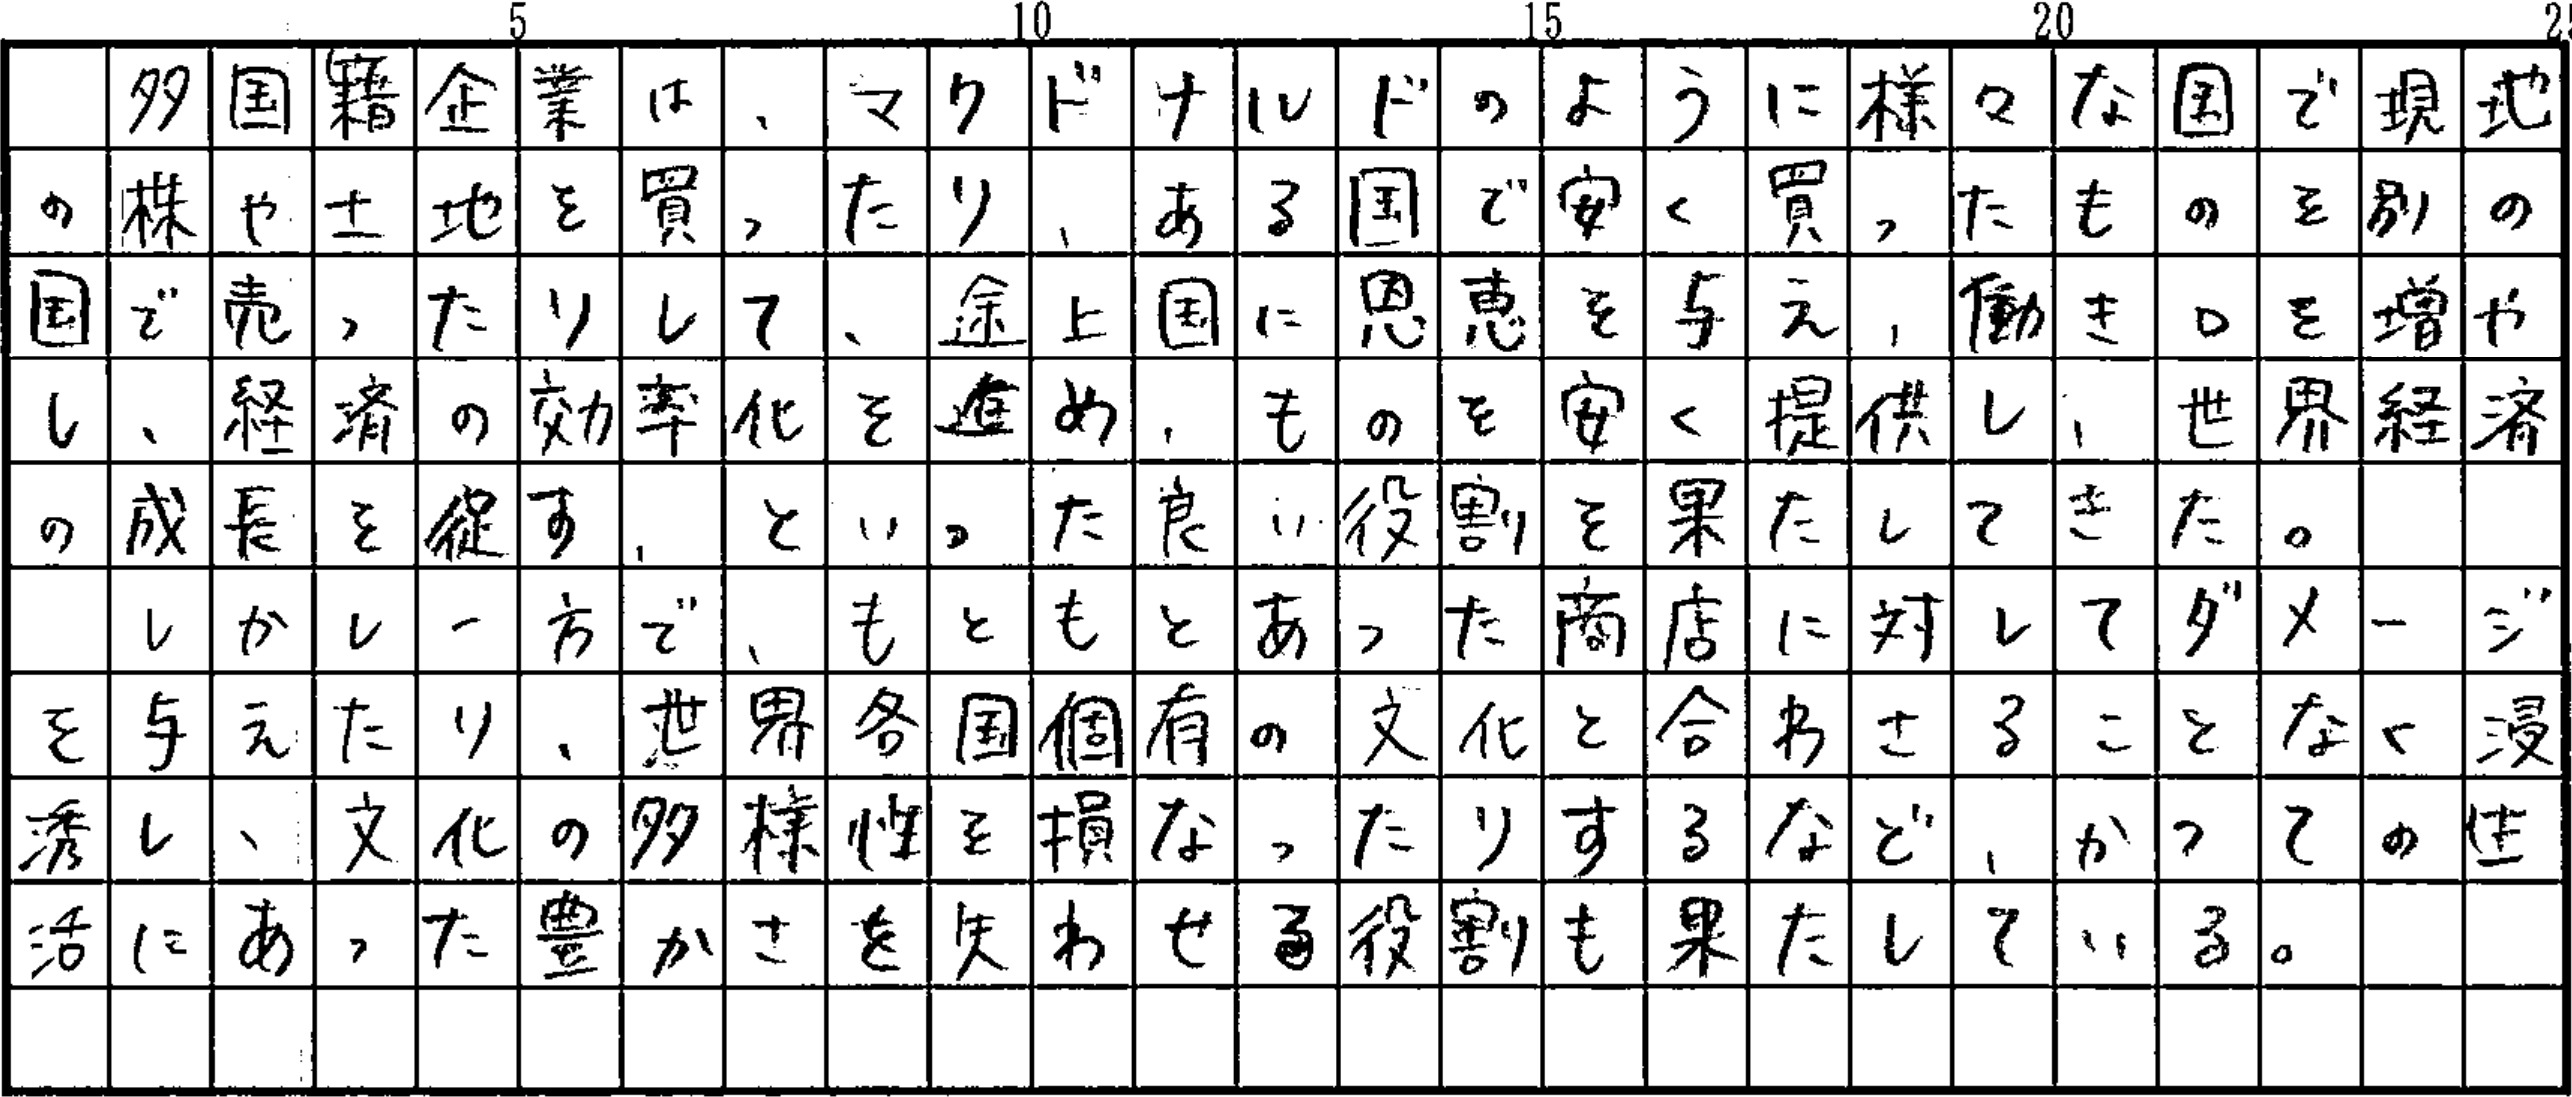　多国籍企業は、マクドナルドのように様々な国で現地の株や土地を買ったり、ある国で安く買ったものを別の国で売ったりして、途上国に恩恵を与え、働き口を増やし、経済の効率化を進め、ものを安く提供し、世界経済の成長を▁す、といった良い役割を果たしてきた。
　しかし一方で、もともとあった商店に対してダメージを与えたり世界各国個有の文化と合わさることなく浸▁し、文化の多様性を損なったりするなど、かつての生活にあった豊かさを失わせる役割も果たしている。
